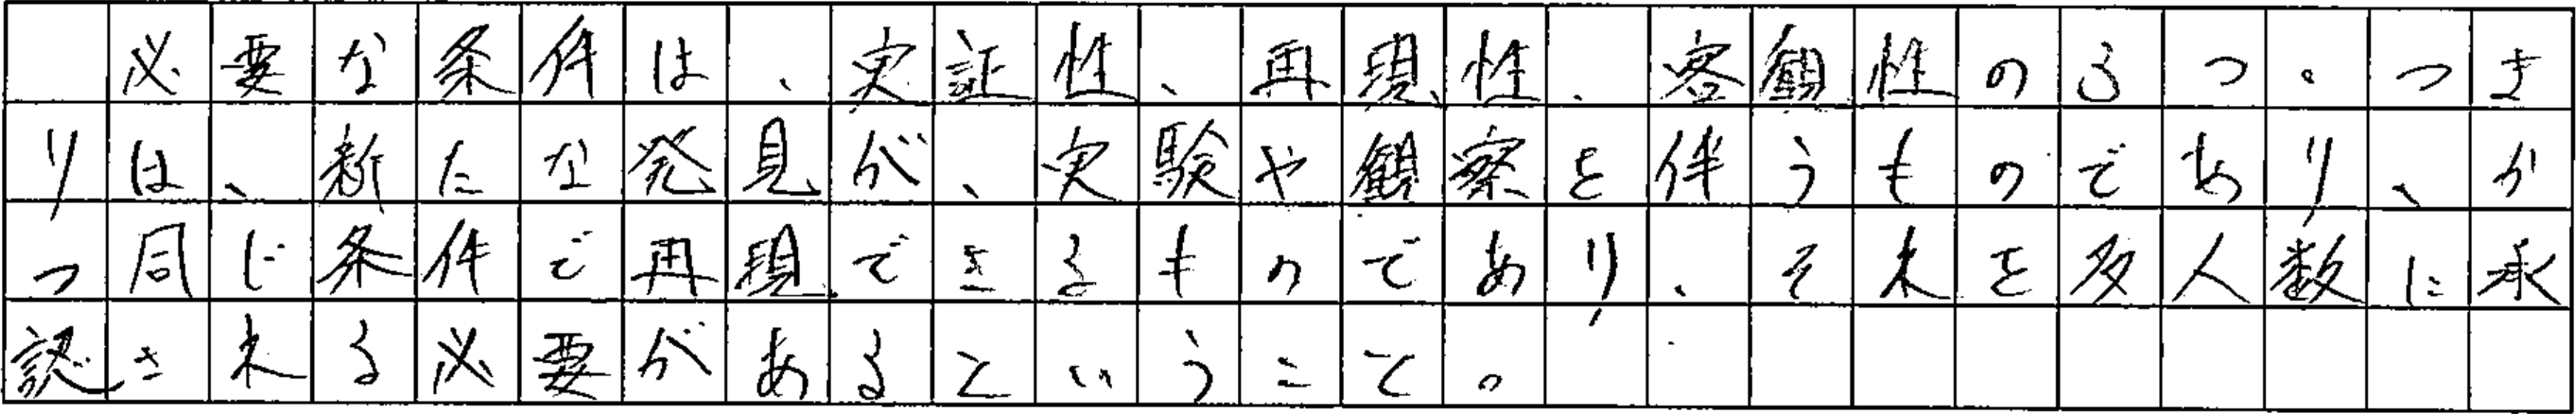　必要な条件は、実証性、再現性、客観性の３つ。つまりは、新たな発見が、実験や観察を伴うものであり、かつ同じ条件で再現できるものであり、それを多人数に承認される必要があるということ。
